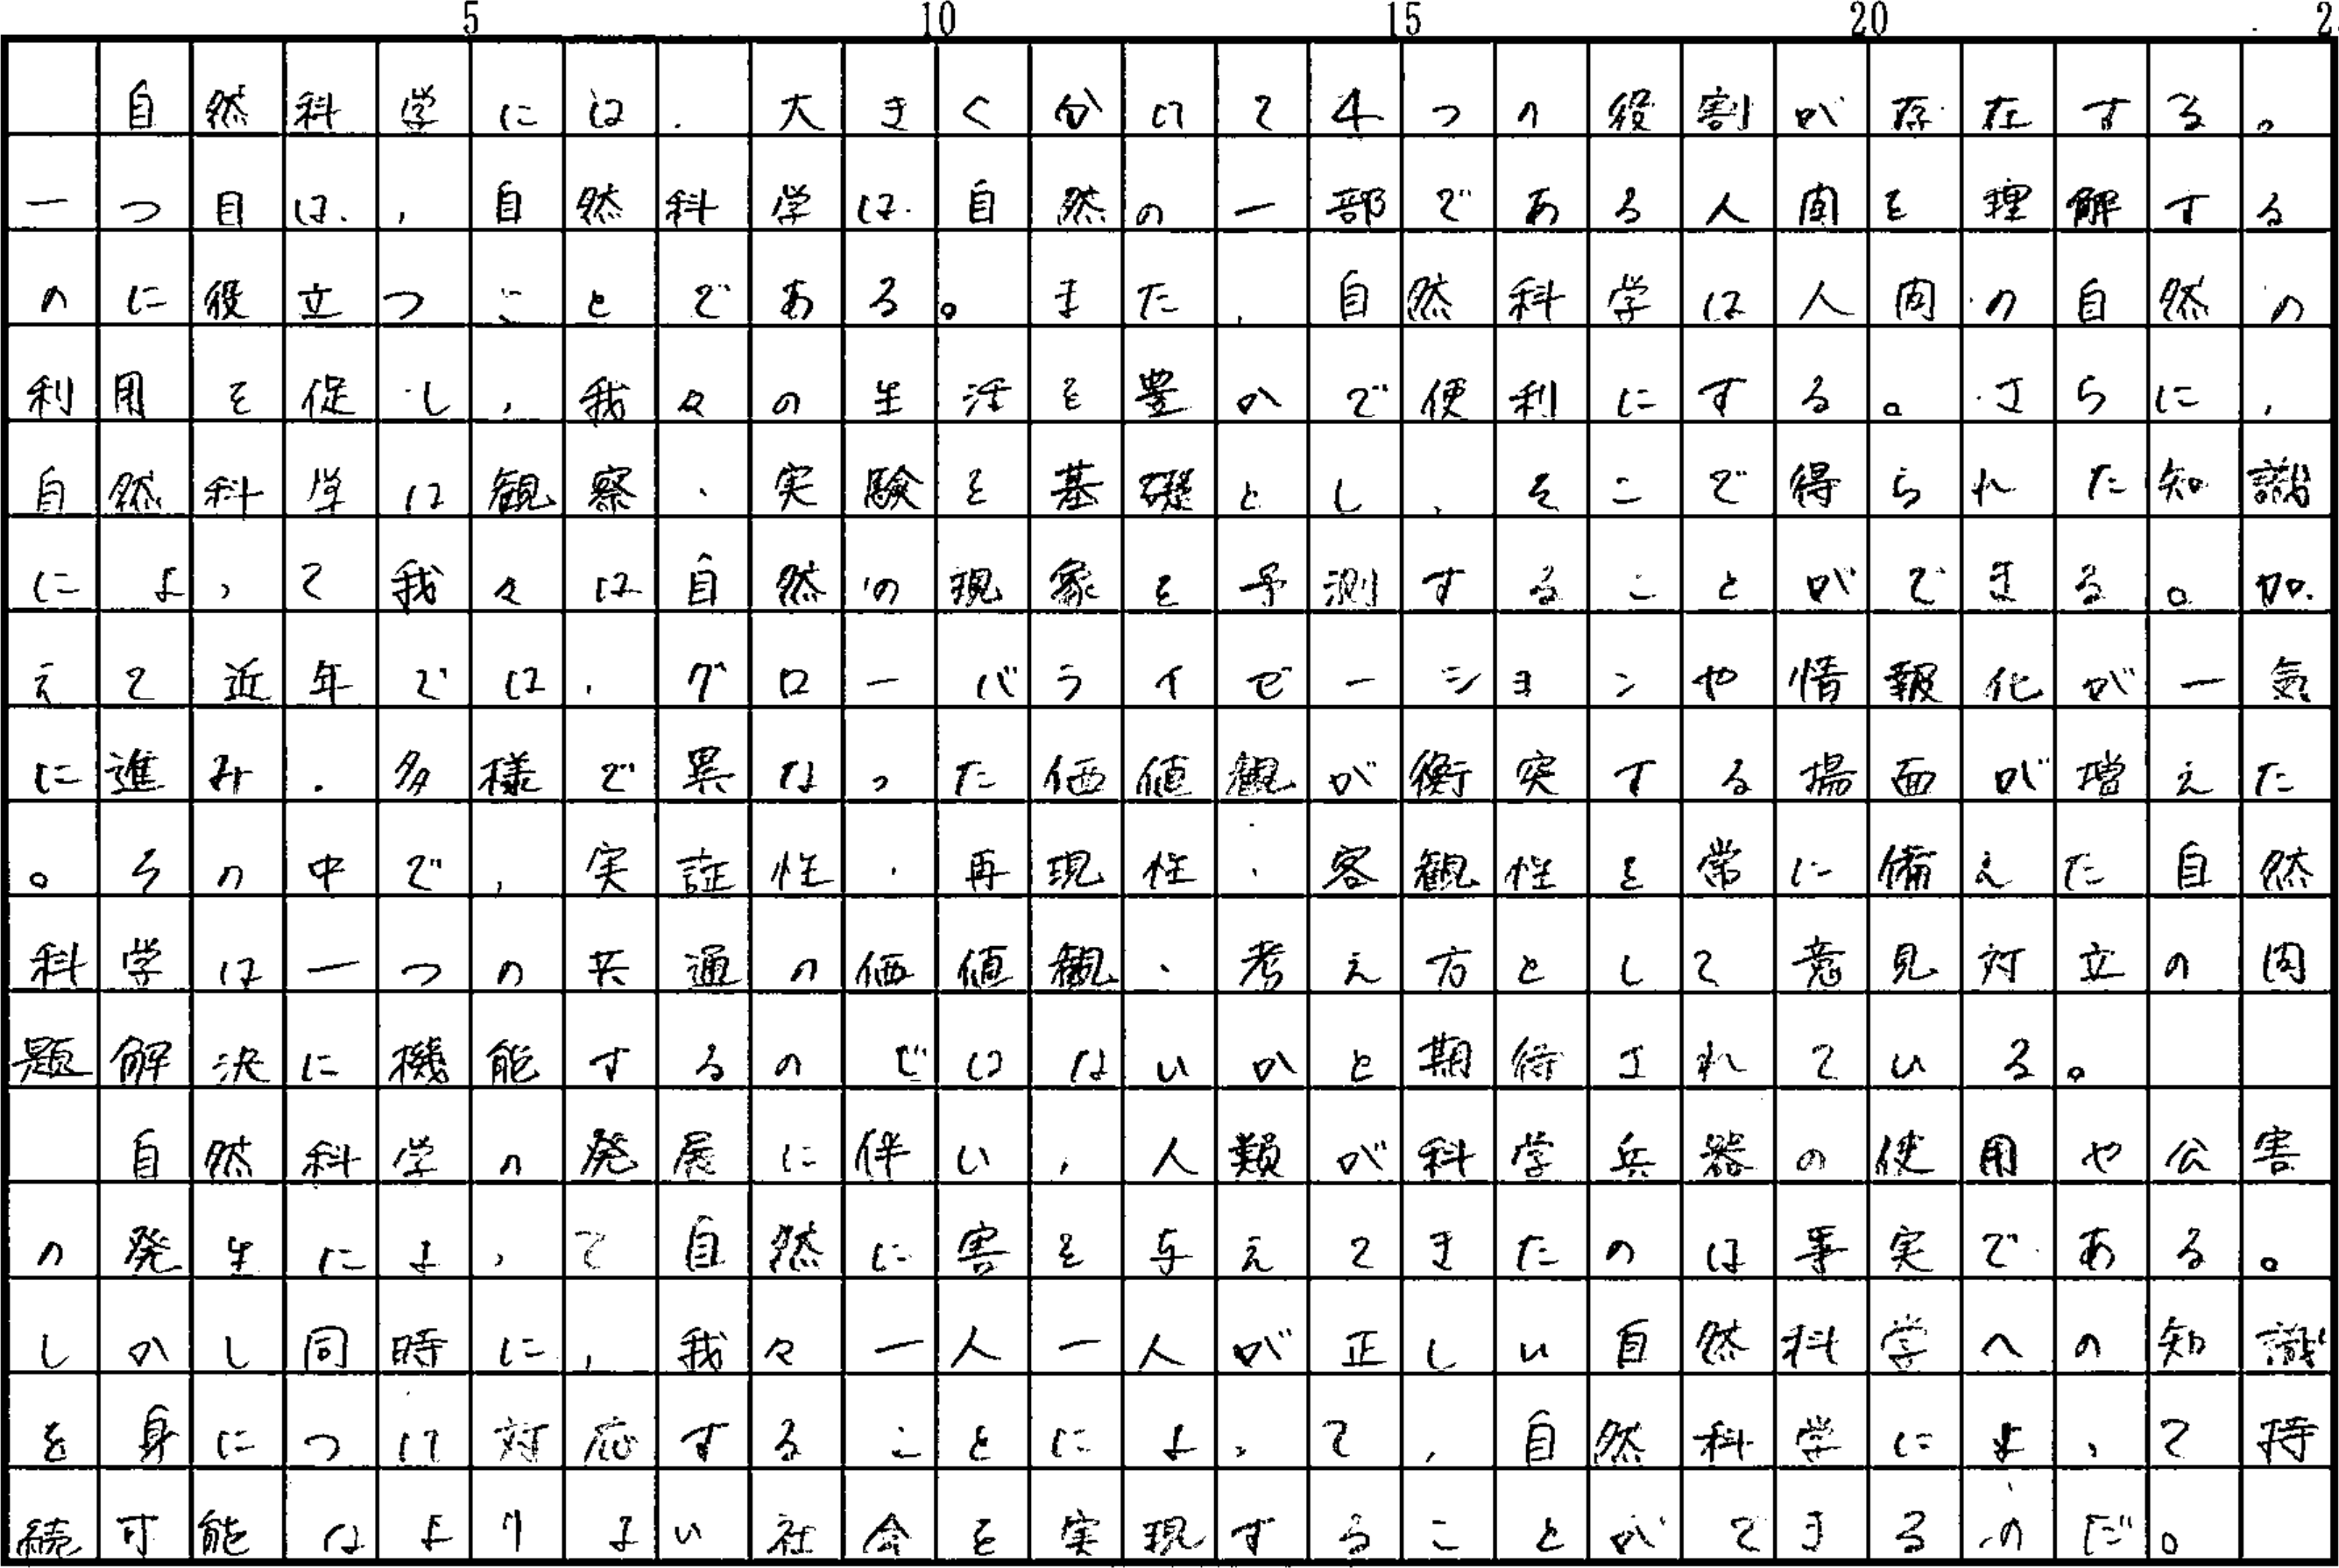　自然科学には、大きく分けて４つの役割が存在する。一つ目は、自然科学は自然の一部である人間を理解するのに役立つことである。また、自然科学は人間の自然の利用を促し、我々の生活を豊かで便利にする。さらに、自然科学は観察、実験を基礎とし、そこで得られた知識によって我々は自然の現象を予測することができる。加えて近年では、グローバライゼーションや情報化が一気に進み、多様で異なった価値観が衡突する場面が増えた。その中で、実証性、再現性、客観性を常に備えた自然科学は一つの共通の価値観、考え方として意見対立の問題解決に機能するのではないかと期待されている。
　自然科学の発展に伴い、人類が科学兵器の使用や公害の発生によって自然に害を与えてきたのは事実である。しかし同時に、我々一人一人が正しい自然科学への知識を身につけ対応することによって、自然科学によって持続可能なよりよい社会を実現することができるのだ。
